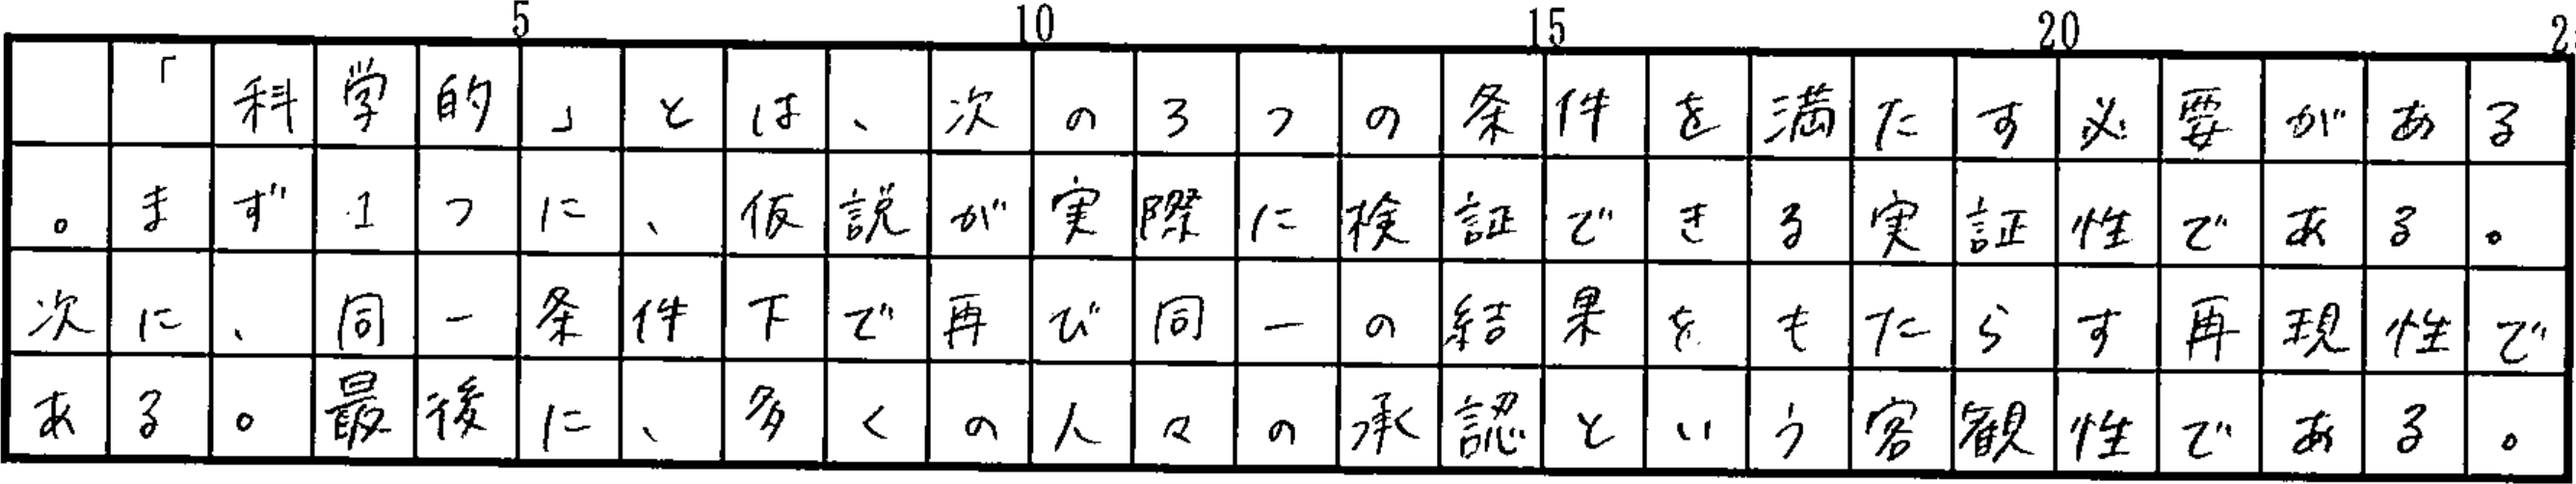　「科学的」とは、次の３つの条件を満たす必要がある。まず１つに、仮説が実際に検証できる実証性である。次に、同一条件下で再び同一の結果をもたらす再現性である。最後に、多くの人々の承認という客観性である。
